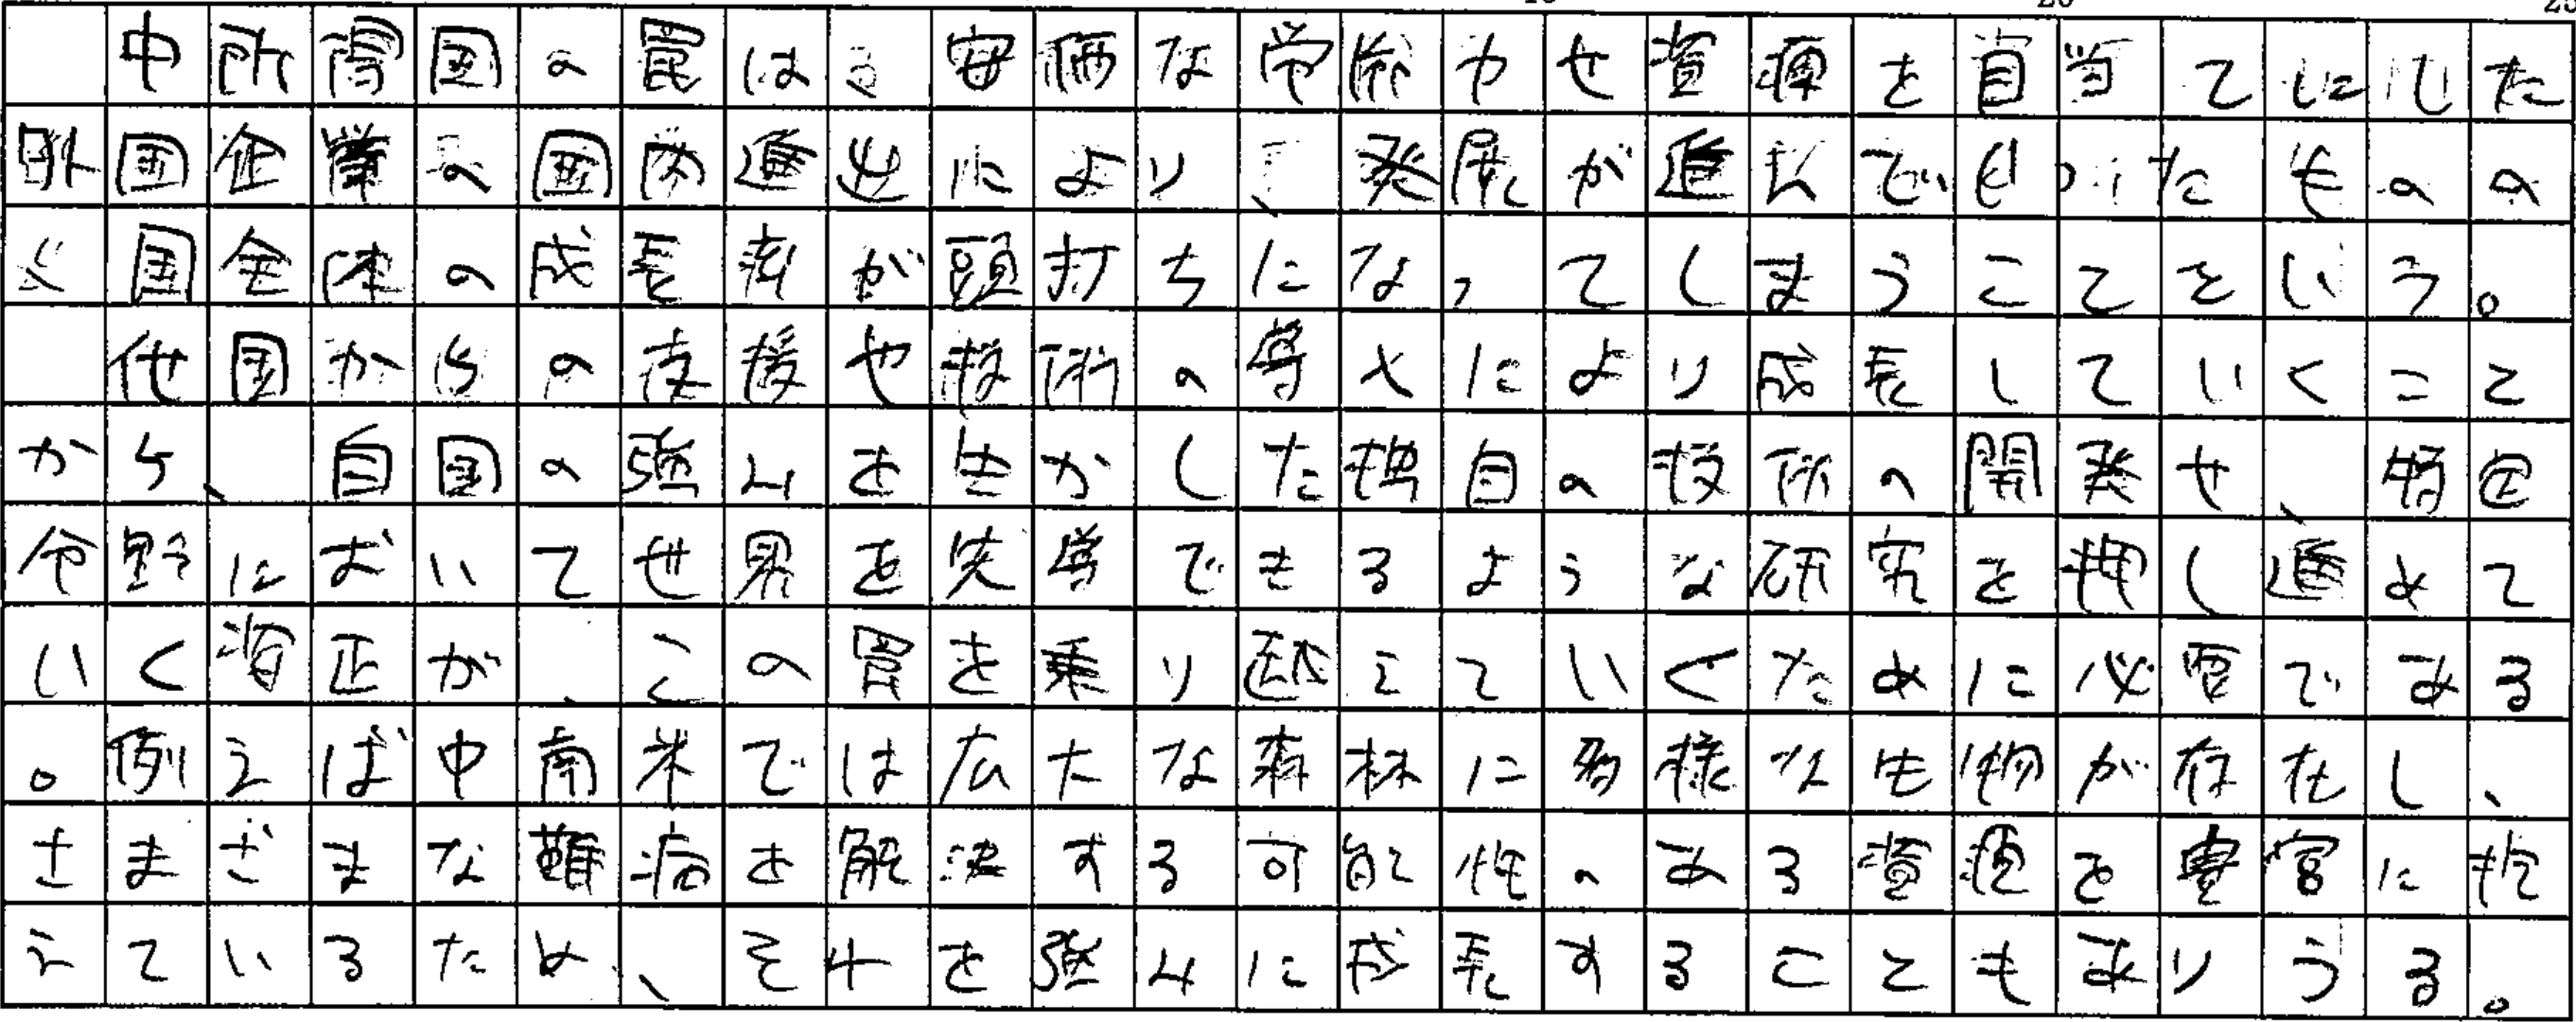　中所得国の罠は、安価な労働力や資源を目当てにした外国企業の国内進出により、発展が進んでいったものの、国全体の成長率が頭打ちになってしまうことをいう。
　他国からの支援や▁術の導入により成長していくことから、自国の強みを生かした独自の技▁の開発や、特定分野において世界を先導できるような研究を押し進めていく姿正が、この罠を乗り越えていくために必要である。例えば中南米では広大な森林に多様な生物が存在し、さまざまな難病を解決する可能性のある資源を豊富に抱えているため、それを強みに成長することもありうる。
